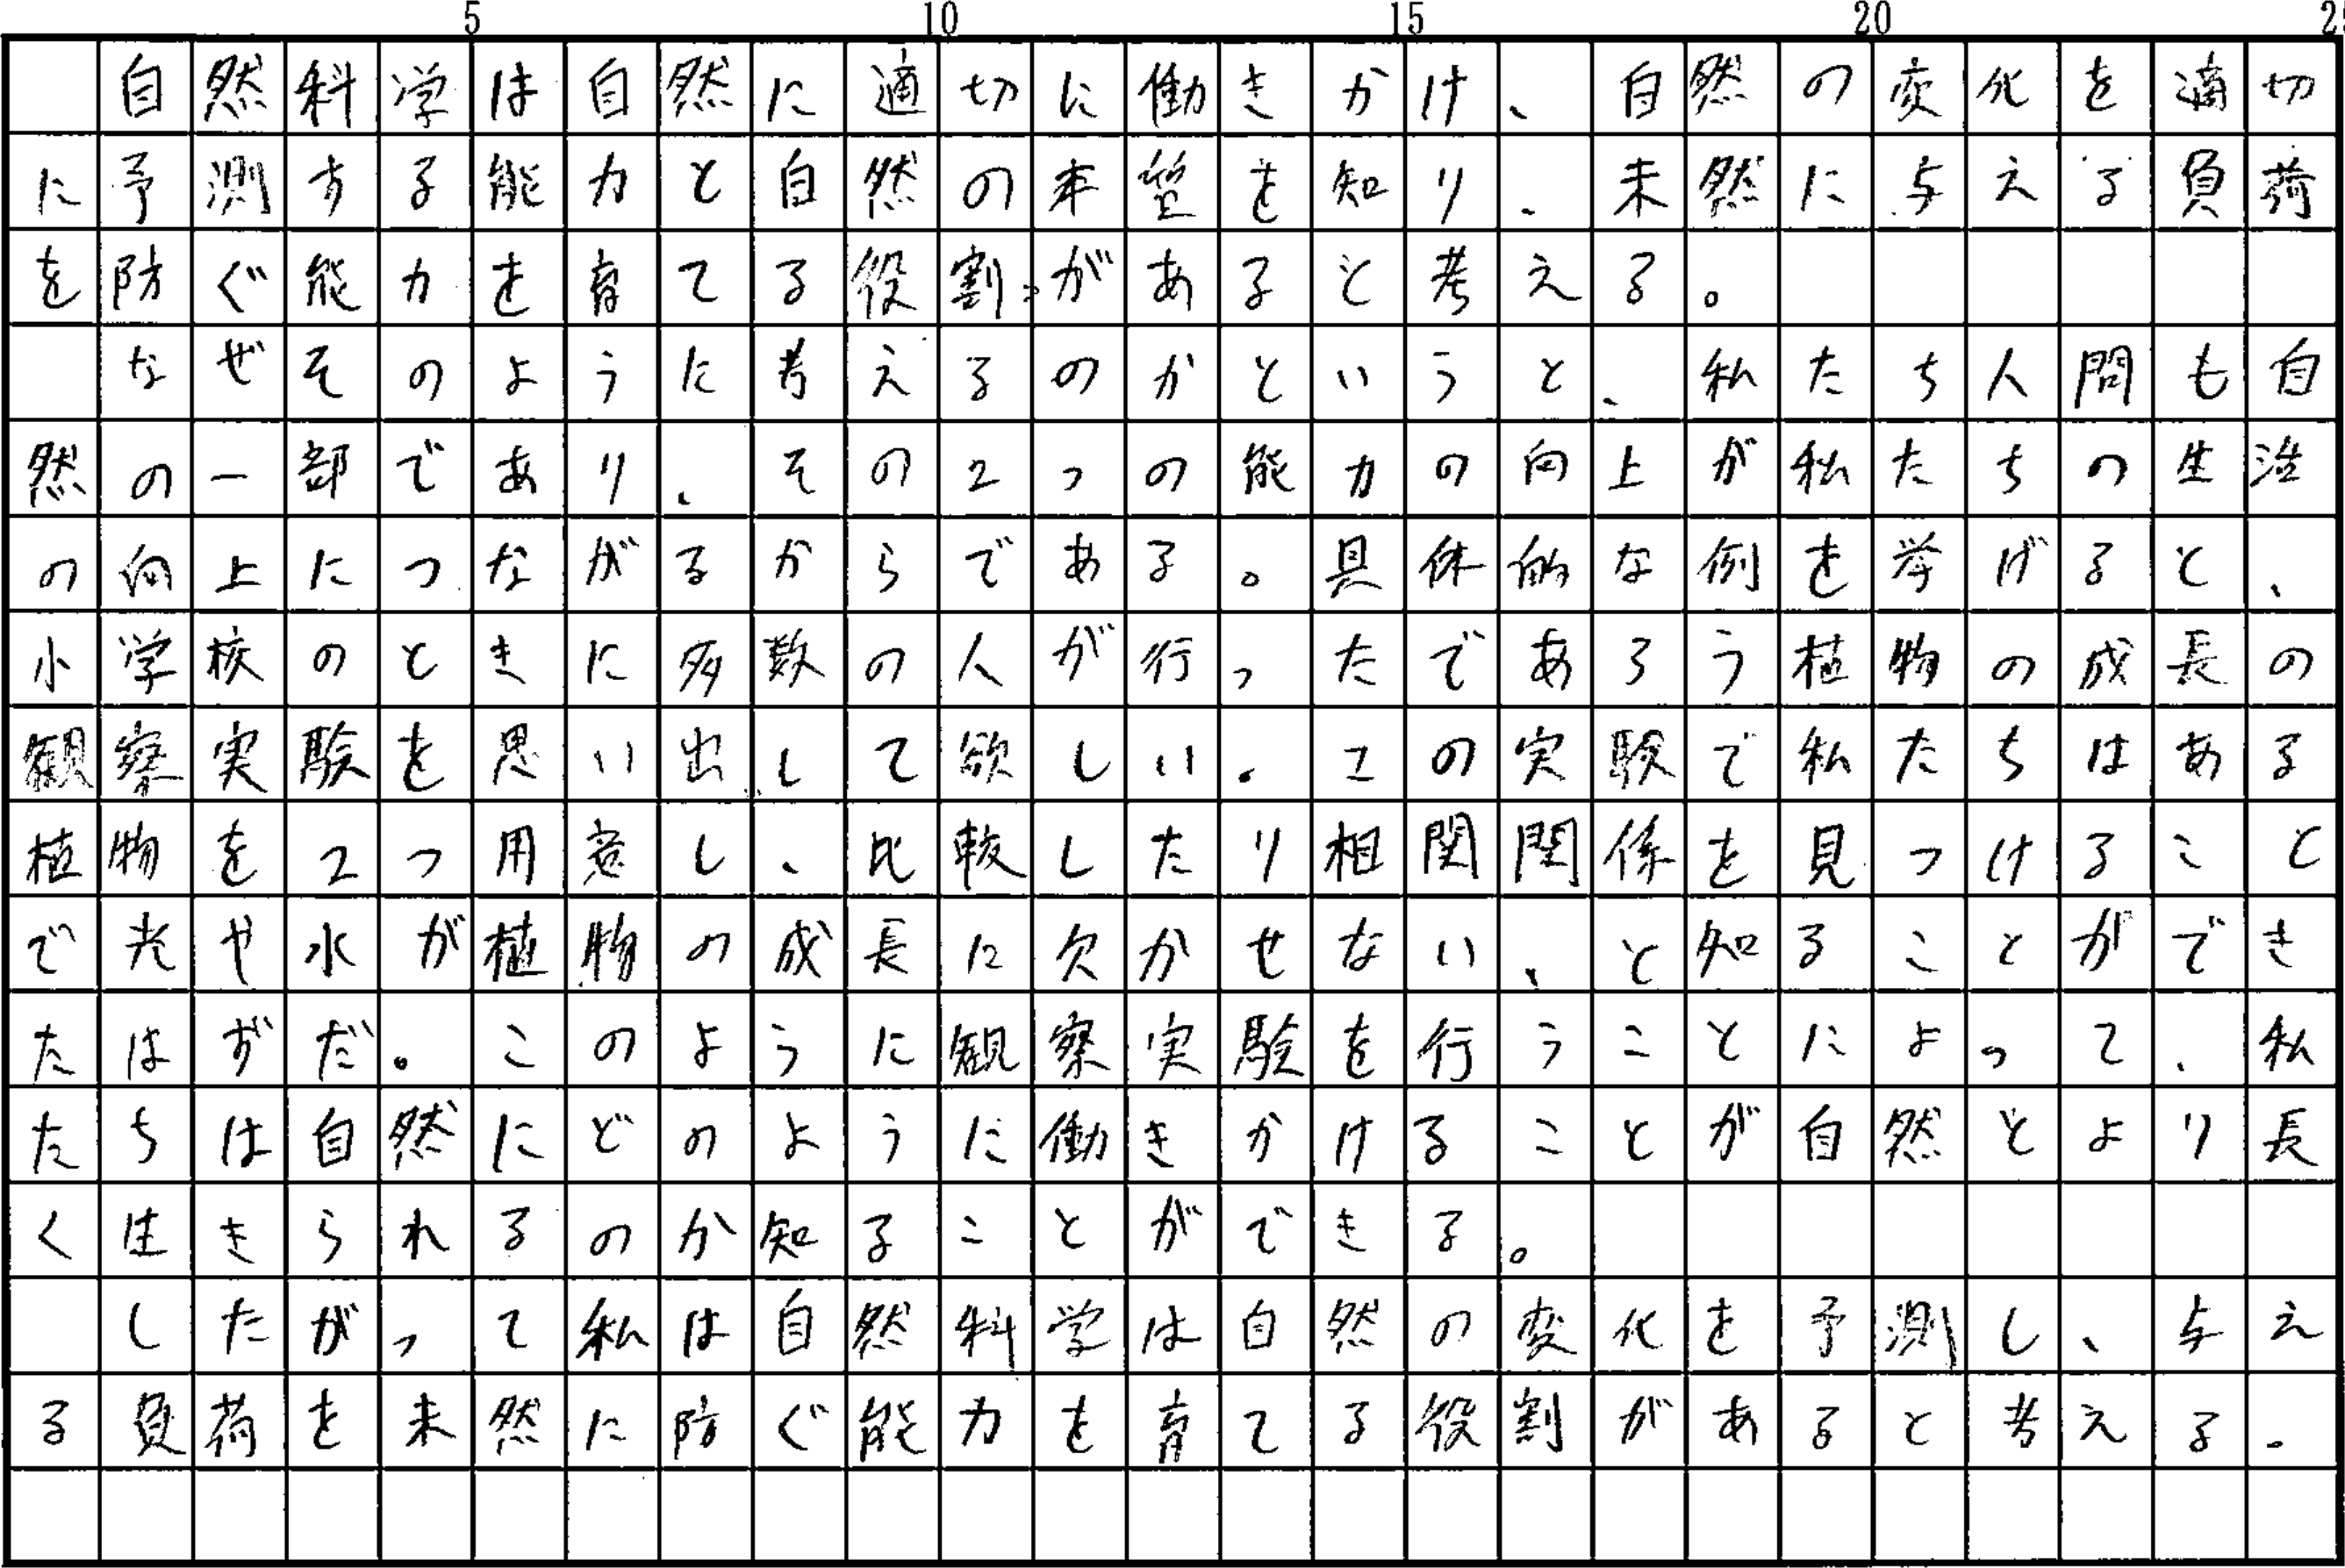　自然科学は自然に適切に働きかけ、自然の変化を適切に予測する能力と自然の本質を知り、未然に与える負荷を防ぐ能力を育てる役割があると考える。
　なぜそのように考えるのかというと、私たち人間も自然の一部であり、その２つの能力の向上が私たちの生活の向上につながるからである。具休的な例を挙げると、小学校のときに多数の人が行ったであろう植物の成長の観察実験を思い出して欲しい。この実験で私たちはある植物を２つ用意し、比較したり相関関係を見つけることで光や水が植物の成長に欠かせない、と知ることができたはずだ。このように観察実験を行うことによって、私たちは自然にどのように働きかけることが自然とより長く生きられるのか知ることができる。
　したがって私は自然科学は自然の変化を予測し、与える負荷を未然に防ぐ能力を育てる役割があると考える。
